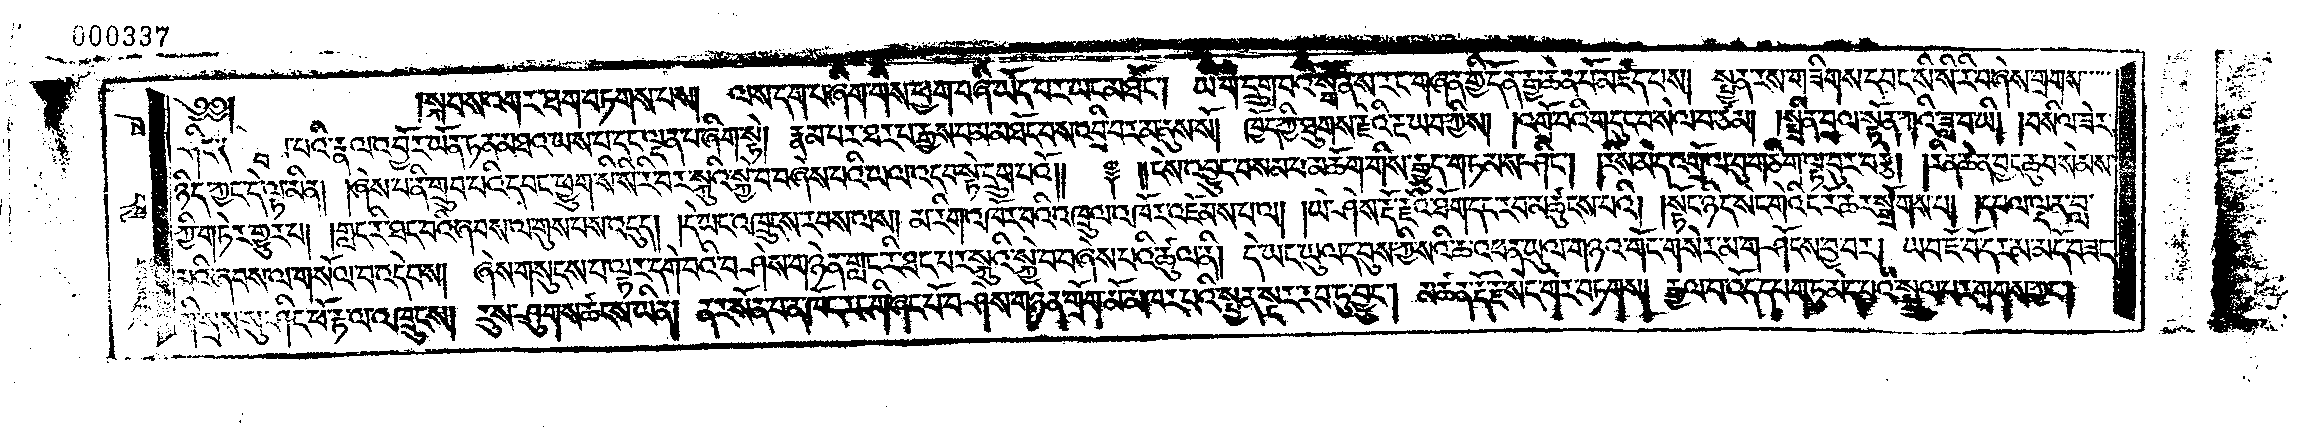༄༅། །སྐབས་འགར་ཐག་བཏགས་པས། ལས་དག་པ་ཞིག་གིས་ཕྱག་བཞི་ཡོད་པར་ཡང་མཐོང་། ཡི་གེ་དྲུག་པའི་སྒོ་ནས་རང་གཞན་གྱི་དོན་རྒྱ་ཆེན་པོ་མཛད་པས། སྤྱན་རས་གཟིགས་དབང་སི་སི་རི་བ་ཞེས་གྲགས་
ཤིང༑ སྤས་པའི་རྣལ་འབྱོར་ཡོན་ཏན་མཐའ་ཡས་པ་དང་ལྡན་པ་ཞིག་སྟེ། རྣམ་པར་ཐར་པ་རྒྱས་པ་མ་མཐོང་བས་འབྲི་བར་མ་ནུས་སོ། ཁྱོད་ཀྱི་ཐུགས་རྗེའི་རྔ་ཡབ་ཀྱིས། །འགྲོ་བའི་གདུང་བ་སེལ་བ་ཙམ། །སྤྲིན་བྲལ་སྟོན་ཀའི་ཟླ་བ་ཡི། །བསིལ་ཟེར་
ཉིད་ཀྱང་དེ་ལྟ་མིན། །ཞེས་པ་ནི་གྲུབ་པའི་དབང་ཕྱུག་སི་སི་རི་བར་སྐུའི་སྐྱེ་བ་བཞེས་པའི་ཡལ་འདབ་སྟེ་དྲུག་པའོ།། ༈ །།ངེས་འབྱུང་བསམ་པ་མཆོག་གིས་རྒྱུད་གཏམས་ཤིང་། །རིས་མེད་འགྲོ་ལ་བུ་གཅིག་ལྟ་བུར་བརྩེ། །རིན་ཆེན་བྱང་ཆུབ་སེམས་
ཀྱི་གཏེར་གྱུར་པ། །གླང་རི་ཐད་བའི་ཞབས་ལ་གུས་པས་འདུད། །དེ་ཡང་འཁྲུངས་རབས་ལས། མ་རིག་འཁོར་བའི་འཁྲུལ་འཁོར་འཇོམས་པ་ལ། །ཡེ་ཤེས་རྡོ་རྗེའི་ཐོག་དང་རབ་མཚུངས་པའི། །སྟོང་ཉིད་སེང་གེའི་ང་རོ་ཆེར་སྒྲོགས་པ། །དཔལ་ལྡན་བླ་
མའི་ཞབས་ལ་གསོལ་བ་འདེབས། ཞེས་གསུངས་པ་ལྟར་དགེ་བའི་བཤེས་གཉེན་གླང་རི་ཐང་པར་སྐུའི་སྐྱེ་བ་བཞེས་པའི་ཚུལ་ནི། དེ་ཡང་ཡུལ་དབུས་ཀྱི་སའི་ཆ་འཕན་ཡུལ་གཉའ་གོང་གསེར་མ་གཤོངས་བྱ་བར། ཡབ་ཇོ་བོ་དར་མ་མདོ་བཟང་
གི་སྲས་སུ་ཤིང་ཕོ་རྟ་ལ་འཁྲུངས། རུས་ཤུགས་ཚངས་ཡིན། ནར་སོན་པ་ན་ཁོང་རང་གི་ཞང་པོ་བཤེས་གཉེན་གྲོག་མོ་མཁར་པའི་སྤྱན་སྔར་རབ་ཏུ་བྱུང་། མཚན་རྡོ་རྗེ་སེང་གེར་བཏགས། རྒྱལ་བ་འོད་དཔག་ཏུ་མེད་པའི་སྤྲུལ་པར་གྲགས་ཀྱང་།